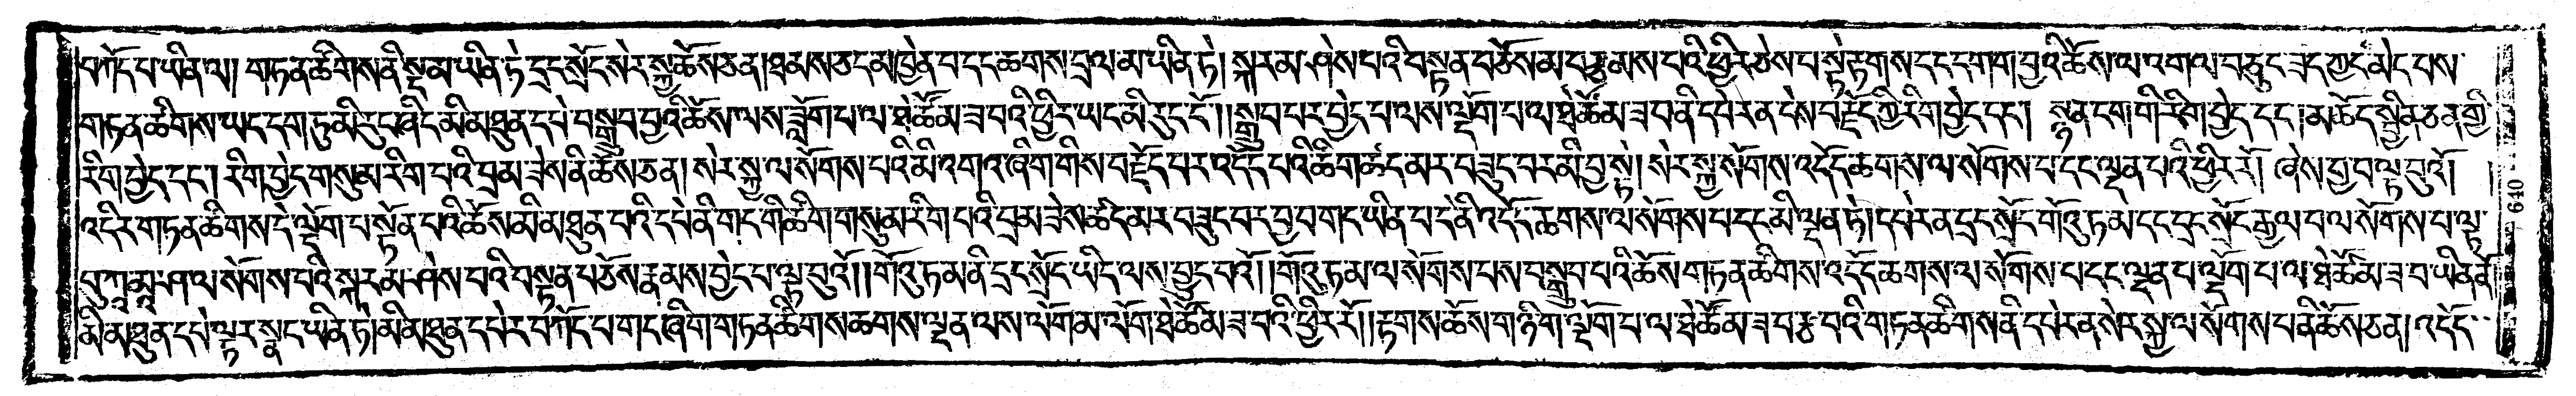བཀོད་པ་ཡིན་ལ། གཏན་ཚིགས་ནི་སྔ་མ་ཡིན་ཏེ་དྲང་སྲོང་སེར་སྐྱ་ཆོས་ཅན། ཐམས་ཅད་མཁྱེན་བ་དང་། ཆགས་བྲལ་མ་ཡིན་ཏེ། སྐར་མ་ཤེས་པའི་བསྟན་བཅོས་མ་བརྩམས་པའི་ཕྱིར་ཅེས་པ་སྟེ་རྟགས་དང་དགག་བྱའི་ཆོས་ལ་འགལ་བཅུང་ཟད་ཀྱང་མེད་པས་
གཏན་ཚིགས་ཡང་དག་ཏུ་མི་རུང་ཞིང་མི་མཐུན་དཔེ་བསྒྲུབ་བྱའི་ཆོས་ལས་ཟློག་པ་ལ་ཐེ་ཚོམ་ཟ་བའི་ཕྱིར་ཡང་མི་རུང་ངོ། །སྒྲུབ་པར་བྱེད་པ་ལས་ལྡོག་པ་ལ་ཐེ་ཚོམ་ཟ་བ་ནི་དཔེར་ན་དེས་བརྗོད་ཀྱི་རིག་བྱེད་དང་། སྙན་ངག་གི་རིག་བྱེད་དང་། མཆོད་སྦྱིན་ཅན་གྱི་
རིག་བྱེད་དང་། རིག་བྱེད་གསུམ་རིག་པའི་བྲམ་ཟེས་ནི་ཆོས་ཅན། སེར་སྐྱ་ལ་སོགས་པའི་མི་འགའ་ཞིག་གིས་བརྗོད་པར་འདོད་པའི་ཚིག་ཚད་མར་བཟུང་བར་མི་བྱ་སྟེ། སེར་སྐྱ་སོགས་འདོད་ཆགས་ལ་སོགས་པ་དང་ལྡན་པའི་ཕྱིར་རོ། ཞེས་བྱ་བ་ལྟ་བུའོ། །
འདིར་གཏན་ཚིགས་དེ་ལྡོག་པ་སྟོན་པའི་ཆོས་མི་མཐུན་པའི་དཔེ་ནི་གང་གི་ཚིག་གསུམ་རིག་པའི་བྲམ་ཟེས་ཚད་མར་བཟུང་བར་བྱ་བ་གང་ཡིན་པ་དེ་ནི་འདོད་ཆགས་ལ་སོགས་པ་དང་མི་ལྡན་ཏེ། དཔེར་ན་དྲང་སྲོང་གོའུ་ཏ་མ་དང་དྲང་སྲོང་རྒྱལ་བ་ལ་སོགས་པ་ལྟ་
བུ་ཀཱ་མཱ་ཤ་ལ་སོགས་པའི་སྐར་མ་ཤེས་པའི་བསྟན་བཅོས་རྣམས་བྱེད་པ་ལྟ་བུའོ། །གོའུ་ཏ་མ་ནི་དྲང་སྲོང་ཡིད་ལས་བྱུང་བའོ། །གོའུ་ཏ་མ་ལ་སོགས་པས་བསྒྲུབ་པའི་ཆོས་གཏན་ཚིགས་འདོད་ཆགས་ལ་སོགས་པ་དང་ལྡན་པ་ལྡོག་པ་ལ་ཐེ་ཚོམ་ཟ་བ་ཡིན་ནོ་
མི་མཐུན་དཔེ་ལྟར་སྣང་ཡིན་ཏེ། མི་མཐུན་དཔེར་བཀོད་པ་གང་ཞིག་གཏན་ཚིགས་ཆགས་ལྡན་ལས་ལོག་མ་ལོག་ཐེ་ཚོམ་ཟ་བའི་ཕྱིར་རོ། །རྟགས་ཆོས་གཉི་ག་ལྡོག་པ་ལ་ཐེ་ཚོམ་ཟ་བ་རྩ་བའི་གཏན་ཚིགས་ནི་དཔེར་ན་སེར་སྐྱ་ལ་སོགས་པ་ནི་ཆོས་ཅན། འདོད་